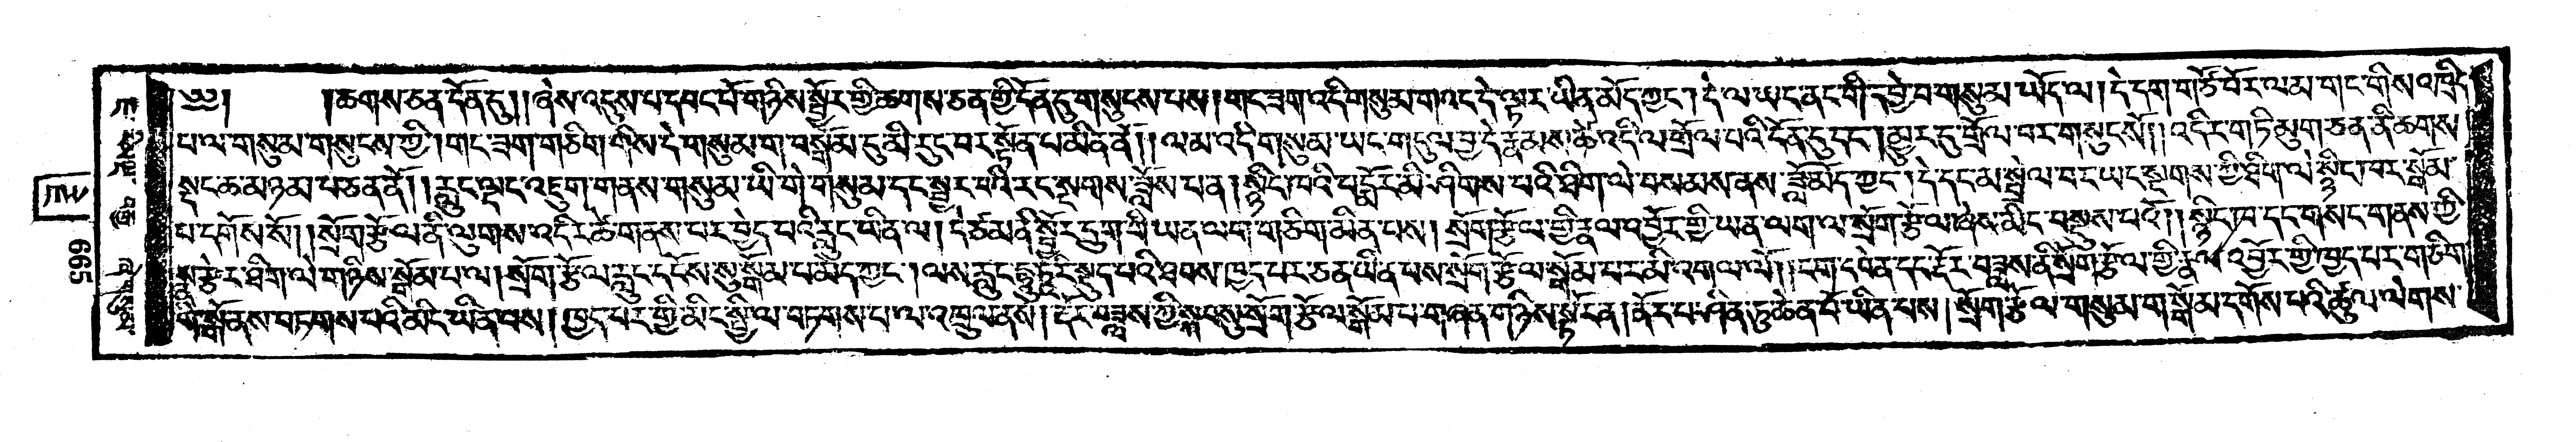༄༅། །ཆགས་ཅན་དོན་དུ། །ཞེས་འདུས་པ་དབང་པོ་གཉིས་སྦྱོར་གྱི་ཆགས་ཅན་གྱི་དོན་དུ་གསུངས་པས། གང་ཟག་འདི་གསུམ་གའང་དེ་ལྟར་ཡིན་མོད་ཀྱང་། དེ་ལ་ཡང་ནང་གི་དབྱེ་བ་གསུམ་ཡོད་ལ། དེ་དག་གཙོ་བོར་ལམ་གང་གིས་འཁྲིད་
པ་ལ་གསུམ་གསུངས་ཀྱི། གང་ཟག་གཅིག་གིས་དེ་གསུམ་ག་བསྒོམ་དུ་མི་རུང་བར་སྟོན་པ་མིན་ནོ། །ལམ་འདི་གསུམ་ཡང་གདུལ་བྱ་དེ་རྣམས་ཚེ་འདི་ལ་གྲོལ་བའི་དོན་དུ་དང་། མྱུར་དུ་གྲོལ་བར་གསུངས་སོ། །འདིར་གཏི་མུག་ཅན་ནི་ཆགས་
སྡང་ཆ་མཉམ་པ་ཅན་ནོ། །རླུང་ལྡང་འཇུག་གནས་གསུམ་ཡི་གེ་གསུམ་དང་སྦྱར་བའི་རང་སྔགས་ཟློས་པ་ན་།སྙིང་ཁའི་པདམར་མི་ཤིགས་པའི་ཐིག་ལེ་བསམས་ནས་ཟློ་མོད་ཀྱང་། དེ་དང་མ་སྦྲེལ་བར་ཡང་སྔགས་ཀྱི་ཐིག་ལེ་སྙིང་ཁར་སྒོམ་
པ་དགོས་སོ། །སྲོག་རྩོལ་ནི་ལུགས་འདིར་ཚེ་གནས་པར་བྱེད་པའི་རླུང་ཡིན་ལ། དེ་ཙམ་ནི་སྦྱོར་དྲུག་གི་ཡན་ལག་གཅིག་མིན་པས། སྲོག་རྩོལ་གྱི་རྣལ་འབྱོར་གྱི་ཡན་ལག་ལ་སྲོག་རྩོལ་ཞེས་མིང་བསྡུས་པའོ། །སྙིང་ཁ་དང་གསང་གནས་ཀྱི་
སྣ་རྩེར་ཐིག་ལེ་གཉིས་སྒོམ་པ་ལ། སྲོག་རྩོལ་རླུང་དངོས་སུ་སྒོམ་པ་མེད་ཀྱང་། ལས་རླུང་དྷཱུ་ཏཱ་རི་སྡུད་པའི་ཐབས་ཁྱད་པར་ཅན་ཡིན་པས་སྲོག་རྩོལ་སྒོམ་པར་མི་འགལ་ལོ། །ངག་དབེན་དང་རྡོར་བཟླས་ནི་སྲོག་རྩོལ་གྱི་རྣལ་འབྱོར་གྱི་ཁྱད་པར་གཅིག་
གི་སྒོ་ནས་བཏགས་པའི་མིང་ཡིན་པས། ཁྱད་པར་གྱི་མིང་སྤྱི་ལ་བཏགས་པ་ལ་འཁྲུལ་ནས། རྡོར་བཟླས་ཀྱི་སྐབས་སུ་སྲོག་རྩོལ་སྒོམ་པ་གཞན་གཉིས་སྟོར་ན། ནོར་པ་ཤིན་ཏུ་ཆེན་པོ་ཡིན་པས། སྲོག་རྩོལ་གསུམ་ག་སྒོམ་དགོས་པའི་ཚུལ་ལེགས་